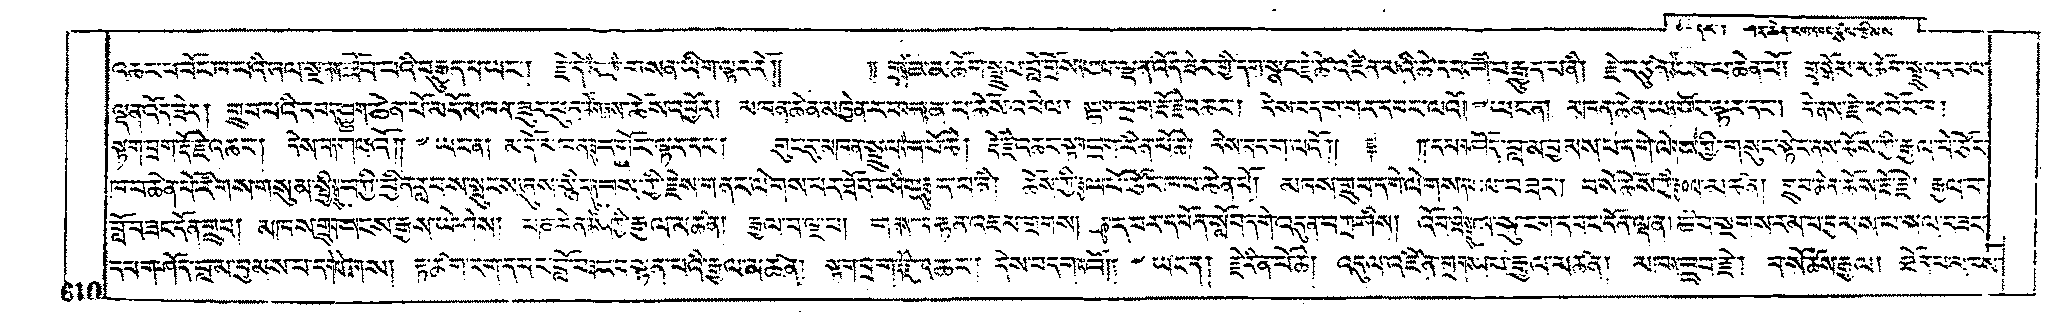འཆང་ཕ་བོང་ཁ་པའི་ཞལ་སྔ་ནས་ཐོབ་པའི་བརྒྱུད་པ་ཡང་། རྗེ་དེ་ཉིད་ཀྱི་གསན་ཡིག་ལྟར་རོ།། །།གྲྭ་སྒོམ་མཆོག་སྤྲུལ་བློ་གྲོས་དཔལ་ལྡན་འོད་ཟེར་གྱི་དག་སྣང་རྗེ་ཚེ་འཛིན་མའི་ཚེ་དབང་གི་བརྒྱུད་པ་ནི། རྗེ་བཙུན་ཙོང་ཁ་པ་ཆེན་པོ། གྲྭ་སྒོམ་མཆོག་སྤྲུལ་དཔལ་
ལྡན་འོད་ཟེར། གྲུབ་པའི་དབང་ཕྱུག་ཆེན་པོ་མདོ་མཁན་ཟུར་ཕུན་ཚོགས་ཆོས་འབྱོར། མཁན་ཆེན་མཁྱེན་རབ་བསྟན་པ་ཆོས་འཕེལ། སྟག་བྲག་རྡོ་རྗེ་འཆང་། དེས་བདག་གར་དབང་ལའོ།། ༧་ཡང་ན། མཁན་ཆེན་ཡན་གོང་ལྟར་དང་། དེ་ནས་རྗེ་ཕ་བོང་ཁ།
སྟག་བྲག་རྡོ་རྗེ་འཆང་། དེས་བདག་ལའོ།། ༧་ཡང་ན། མདོ་མཁན་ཟུར་ཡན་གོང་ལྟར་དང་། གུང་རུ་མཁན་སྤྲུལ་རིན་པོ་ཆེ། རྡོ་རྗེ་འཆང་སྟག་བྲག་རིན་པོ་ཆེ། དེས་བདག་ལའོ།། ༈ །།དཔག་ཤོད་བླ་མ་བྱམས་པ་དགེ་ལེགས་དང་། ཤར་ཆེན་ངག་དབང་ཚུལ་ཁྲིམས་ཀྱི་གསུང་སྟེང་ནས་ཆོས་ཀྱི་རྒྱལ་པོ་ཙོང་
ཁ་པ་ཆེན་པོ་རིགས་གསུམ་སྤྱི་སྒྲུབ་ཀྱི་བྱིན་རླབས་སྤུངས་ཞུས་སྙིང་ཞུགས་ཀྱི་རྗེས་གནང་ལེགས་པར་ཐོབ་པའི་བརྒྱུད་པ་ནི། ཆོས་ཀྱི་རྒྱལ་པོ་ཙོང་ཁ་པ་ཆེན་པོ། མཁས་གྲུབ་དགེ་ལེགས་དཔལ་བཟང་། བ་སོ་ཆོས་ཀྱི་རྒྱལ་མཚན། གྲུབ་ཆེན་ཆོས་རྡོ་རྗེ། རྒྱལ་བ་
བློ་བཟང་དོན་གྲུབ། མཁས་གྲུབ་སངས་རྒྱས་ཡེ་ཤེས། པཎ་ཆེན་ཆོས་ཀྱི་རྒྱལ་མཚན། རྒྱལ་བ་ལྔ་པ། གནས་བརྟན་འཇམ་གྲགས། ཆུ་དབར་དཔོན་སློབ་དགེ་འདུན་བཀྲ་ཤིས། འོབ་ཐེ་སྤྲུལ་སྐུ་ངག་དབང་དོན་ལྡན། ཚ་བ་སྔགས་རམ་པ་བྱམས་པ་སྐལ་བཟང་
དཔག་ཤོད་བླ་མ་བྱམས་པ་དགེ་ལེགས། རྟ་ཚག་ངག་དབང་བློ་བཟང་བསྟན་པའི་རྒྱལ་མཚན། སྟག་བྲག་རྡོ་རྗེ་འཆང་། དེས་བདག་ལའོ།། ༧་ཡང་ན། རྗེ་རིན་པོ་ཆེ། འདུལ་འཛིན་གྲགས་པ་རྒྱལ་མཚན། མཁས་གྲུབ་རྗེ། བ་སོ་ཆོས་རྒྱལ། ཐོན་པ་མཁས་